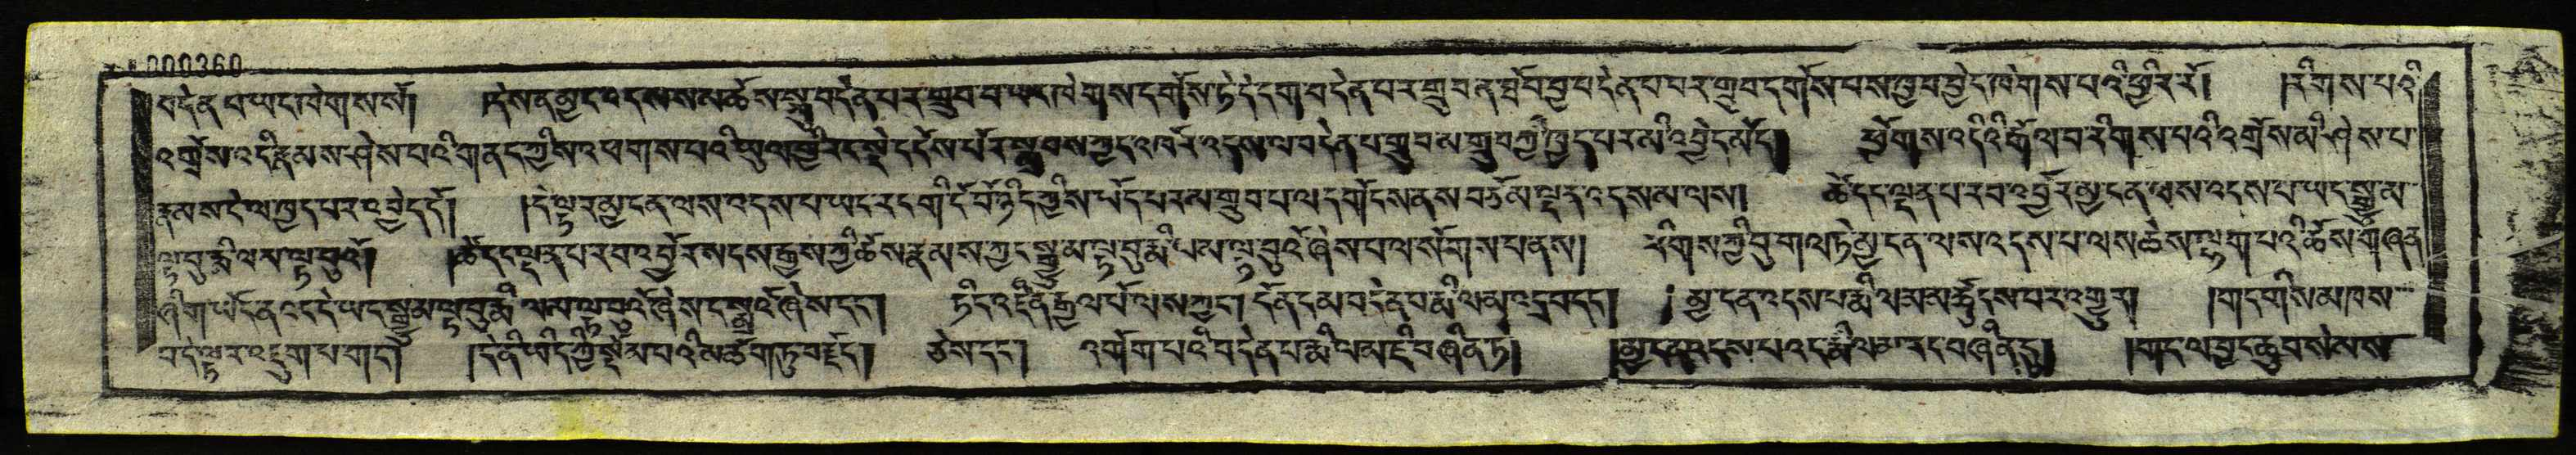བདེན་པ་ཡང་ཁེགས་སོ། །དེས་ན་མྱང་འདས་སམ་ཆོས་སྐུ་བདེན་པར་གྲུབ་པ་ཡང་ཁེགས་དགོས་ཏེ་དེ་དག་བདེན་པར་གྲུབ་ན་ཐོབ་བྱ་བདེན་པ་པར་གྲུབ་དགོས་པས་ཁྱབ་བྱེད་ཁེགས་པའི་ཕྱིར་རོ། །རིགས་པའི་
འགྲོས་འདི་རྣམས་ཤེས་པའི་གནད་ཀྱིས་འཕགས་པའི་ཡུལ་གྱི་རང་སྡེ་དངོས་པོར་སྨྲ་བས་ཀྱང་འཁོར་འདས་ལ་བདེན་པ་གྲུབ་མ་གྲུབ་ཀྱི་ཁྱད་པར་མི་འབྱེད་མོད། ཕྱོགས་འདིའི་རྒོལ་བ་རིགས་པའི་འགྲོས་མི་ཤེས་པ་
རྣམས་དེ་ལ་ཁྱད་པར་འབྱེད་དོ། །དེ་ལྟར་མྱ་ངན་ལས་འདས་པ་ཡང་རང་གི་ངོ་བོ་ཉིད་ཀྱིས་ཡོད་པར་མ་གྲུབ་པ་ལ་དགོངས་ནས་བཅོམ་ལྡན་འདས་མ་ལས། ཚེ་དང་ལྡན་པ་རབ་འབྱོར་མྱ་ངན་ལས་འདས་པ་ཡང་སྒྱུ་མ་
ལྟ་བུ་རྨི་ལམ་ལྟ་བུའོ། །ཚེ་དང་ལྡན་པ་རབ་འབྱོར་སངས་རྒྱས་ཀྱི་ཆོས་རྣམས་ཀྱང་སྒྱུ་མ་ལྟ་བུ་རྨི་ལམ་ལྟ་བུའོ་ཞེས་པ་ལ་སོགས་པ་ནས། རིགས་ཀྱི་བུ་གལ་ཏེ་མྱ་ངན་ལས་འདས་པ་ལས་ཆེས་ལྷག་པའི་ཆོས་གཞན་
ཞིག་ཡོད་ནའང་དེ་ཡང་སྒྱུ་མ་ལྟ་བུ་རྨི་ལམ་ལྟ་བུའོ་ཞེས་ང་སྨྲའོ་ཞེས་དང་། ཏིང་འཛིན་རྒྱལ་པོ་ལས་ཀྱང་། དོན་དམ་བདེན་པ་རྨི་ལམ་འདྲ་བ་དང་། །མྱ་ངན་འདས་པ་རྨི་ལམ་མཚུངས་པར་འགྱུར། །གང་གིས་མཁས་
པ་དེ་ལྟར་འཇུག་པ་གང་། །དེ་ནི་ཡིད་ཀྱི་སྡོམ་པའི་མཆོག་ཏུ་བརྗོད། ཅེས་དང་། འགོག་པའི་བདེན་པ་རྨི་ལམ་ཇི་བཞིན་ཏེ། །མྱ་ངན་འདས་པའང་རྨི་ལམ་རང་བཞིན་དུ། །གང་ལ་བྱང་ཆུབ་སེམས་